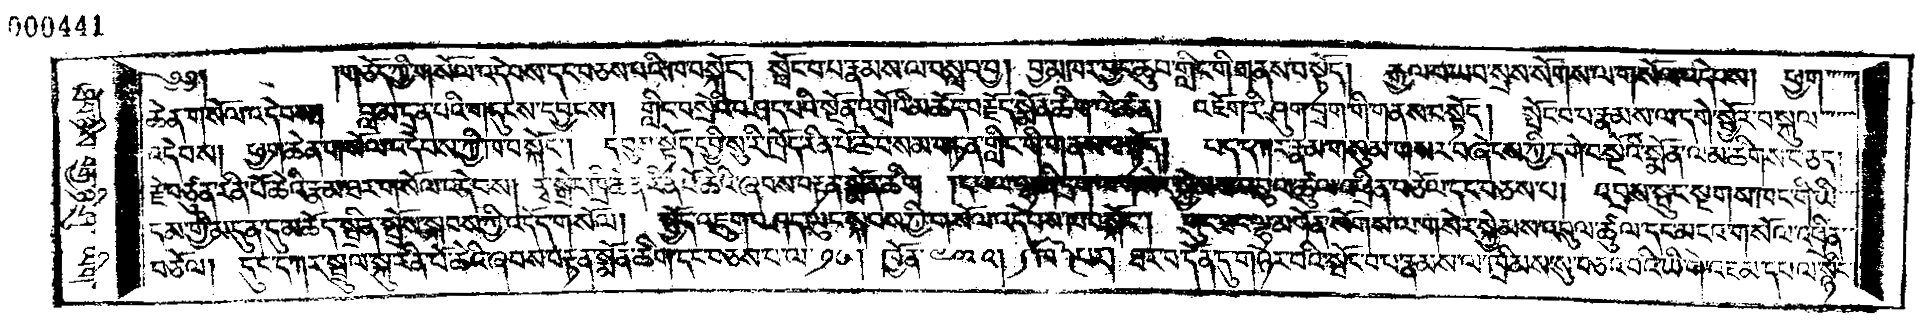༄༅། །གཅོད་ཀྱི་གསོལ་འདེབས་དང་བཅས་པའི་ཁ་བསྐོང་། སྤོང་བ་པ་རྣམས་ལ་བསླབ་བྱ། བྱ་མཁར་བྱང་ཆུབ་གླིང་གི་གནས་བསྟོད། རྒྱལ་བ་ཡབ་སྲས་སོགས་ལ་གསོལ་འདེབས། ཕྱག་
ཆེན་གསོལ་འདེབས། བླ་མ་དྲན་པའི་གདུངས་དབྱངས། གླིང་བསྲེའི་བཤད་པའི་སྔོན་འགྲོའི་མཆོད་བརྗོད་སྨོན་ཚིག་ལེ་ཚན། འཇོག་རི་ཤུག་བྲག་གི་གནས་བསྟོད། སྤོང་བ་པ་རྣམས་ལ་དགེ་སྦྱོར་བསྐུལ་
འདེབས། ཕྱག་ཆེན་གསོལ་འདེབས་ཀྱི་ཁ་བསྐོང་། དབུས་སྟོད་དབྱི་སུ་རི་ཁྲོད་རིན་པོ་ཆེ་བསམ་གཏན་གླིང་གི་གནས་བསྟོད། པད་དཀར་རྣམ་གསུམ་གསར་བཞེངས་ཀྱི་དགེ་བསྔོའི་སྨོན་ལམ་ཚིགས་བཅད།
རྗེ་བཙུན་རིན་པོ་ཆེའི་རྣམ་ཐར་གསོལ་འདེབས། རྭ་སྒྲེང་ཁྲི་ཆེན་རིན་པོ་ཆེའི་ཞབས་བརྟན་སྨོན་ཚིག །དཔལ་ལྷ་ཞི་དྲག་ལ་གསེར་སྐྱེམས་འབུལ་ཚུལ་འཕྲིན་བཅོལ་དང་བཅས་པ། འབྲས་སྤུང་སྔགས་ཁང་གི་ཡི་
དམ་གྱི་མདུན་དུ་མཆོད་སྤྲིན་སྤྲོས་སྐབས་ཀྱི་འདོད་གསོལ། སྤྱོད་འཇུག་བཤད་ལུང་སྐབས་ཀྱི་གསོལ་འདེབས་ཁ་བསྐོང་། གུང་ཐང་ལྷ་མགོན་སོགས་ལ་གསེར་སྐྱེམས་འབུལ་ཚུལ་དང་མངའ་གསོལ་འཕྲིན་
བཅོལ། དུང་དཀར་སྤྲུལ་སྐུ་རིན་པོ་ཆེའི་ཞབས་བརྟན་སྨོན་ཚིག་དང་བཅས་པ་ལ༡༦། ཁྱོན ༤༣༢། ༼ཁ༽ པར། ཐར་བ་དོན་དུ་གཉེར་བའི་སྤོང་བ་པ་རྣམས་ལ་ཁྲིམས་སུ་བཅའ་བའི་ཡི་གེ་འཇམ་དཔལ་སྙིང་